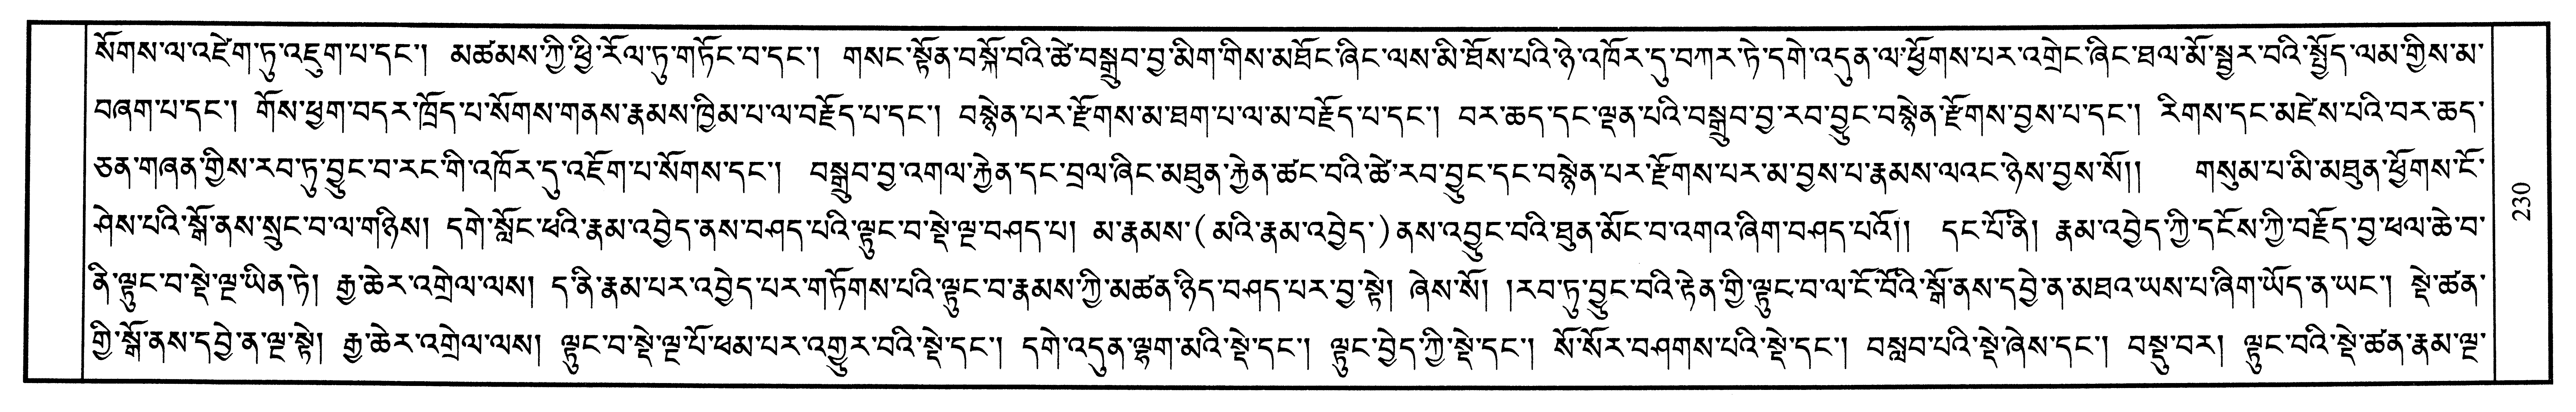སོགས་ལ་འཛེག་ཏུ་འཇུག་པ་དང་། མཚམས་ཀྱི་ཕྱི་རོལ་ཏུ་གཏོང་བ་དང་། གསང་སྟོན་བསྐོ་བའི་ཚེ་བསྒྲུབ་བྱ་མིག་གིས་མཐོང་ཞིང་ལས་མི་ཐོས་པའི་ཉེ་འཁོར་དུ་བཀར་ཏེ་དགེ་འདུན་ལ་ཕྱོགས་པར་འགྲེང་ཞིང་ཐལ་མོ་སྦྱར་བའི་སྤྱོད་ལམ་གྱིས་མ་
བཞག་པ་དང་། གོས་ཕྱག་བདར་ཁྲོད་པ་སོགས་གནས་རྣམས་ཁྱིམ་པ་ལ་བརྗོད་པ་དང་། བསྙེན་པར་རྫོགས་མ་ཐག་པ་ལ་མ་བརྗོད་པ་དང་། བར་ཆད་དང་ལྡན་པའི་བསྒྲུབ་བྱ་རབ་བྱུང་བསྙེན་རྫོགས་བྱས་པ་དང་། རིགས་དང་མཛེས་པའི་བར་ཆད་
ཅན་གཞན་གྱིས་རབ་ཏུ་བྱུང་བ་རང་གི་འཁོར་དུ་འཇོག་པ་སོགས་དང་། བསྒྲུབ་བྱ་འགལ་རྐྱེན་དང་བྲལ་ཞིང་མཐུན་རྐྱེན་ཚང་བའི་ཚེ་རབ་བྱུང་དང་བསྙེན་པར་རྫོགས་པར་མ་བྱས་པ་རྣམས་ལའང་ཉེས་བྱས་སོ།། གསུམ་པ་མི་མཐུན་ཕྱོགས་ངོ་
ཤེས་པའི་སྒོ་ནས་སྲུང་བ་ལ་གཉིས། དགེ་སློང་ཕའི་རྣམ་འབྱེད་ནས་བཤད་པའི་ལྟུང་བ་སྡེ་ལྔ་བཤད་པ། མ་རྣམས་མའི་རྣམ་འབྱེད་ནས་འབྱུང་བའི་ཐུན་མོང་བ་འགའ་ཞིག་བཤད་པའོ།། དང་པོ་ནི། རྣམ་འབྱེད་ཀྱི་དངོས་ཀྱི་བརྗོད་བྱ་ཕལ་ཆེ་བ་
ནི་ལྟུང་བ་སྡེ་ལྔ་ཡིན་ཏེ། རྒྱ་ཆེར་འགྲེལ་ལས། ད་ནི་རྣམ་པར་འབྱེད་པར་གཏོགས་པའི་ལྟུང་བ་རྣམས་ཀྱི་མཚན་ཉིད་བཤད་པར་བྱ་སྟེ། ཞེས་སོ། །རབ་ཏུ་བྱུང་བའི་རྟེན་གྱི་ལྟུང་བ་ལ་ངོ་བོའི་སྒོ་ནས་དབྱེ་ན་མཐའ་ཡས་པ་ཞིག་ཡོད་ན་ཡང་། སྡེ་ཚན་
གྱི་སྒོ་ནས་དབྱེ་ན་ལྔ་སྟེ། རྒྱ་ཆེར་འགྲེལ་ལས། ལྟུང་བ་སྡེ་ལྔ་པོ་ཕམ་པར་འགྱུར་བའི་སྡེ་དང་། དགེ་འདུན་ལྷག་མའི་སྡེ་དང་། ལྟུང་བྱེད་ཀྱི་སྡེ་དང་། སོ་སོར་བཤགས་པའི་སྡེ་དང་། བསླབ་པའི་སྡེ་ཞེས་དང་། བསྡུ་བར། ལྟུང་བའི་སྡེ་ཚན་རྣམ་ལྔ་